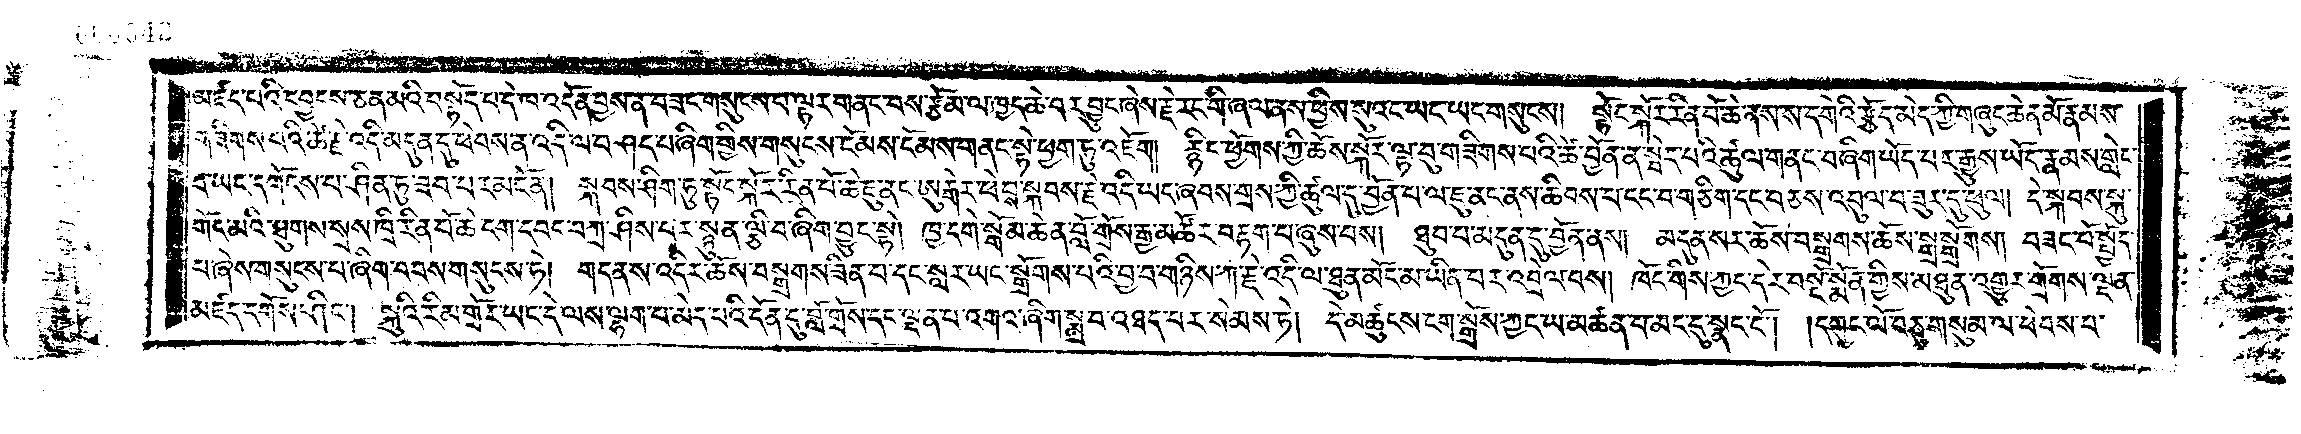མཛད་པའི་དབྱངས་ཅན་མའི་བསྟོད་པ་དེ་བ་འདོན་བྱས་ན་བཟང་གསུངས་པ་ལྟར་གནང་བས་རྩོམ་ལ་ཁྱད་ཆེ་བར་བྱུང་ཞེས་རྗེ་རང་གི་ཞལ་ནས་ཕྱིས་སུའང་ཡང་ཡང་གསུངས། སྟོང་སྐོར་རིན་པོ་ཆེ་ནས་ས་དགེའི་རྩོད་མེད་ཀྱི་གཞུང་ཆེན་མོ་རྣམས་
གཟིགས་པའི་ཚེ་རྗེ་འདི་མདུན་དུ་ཕེབས་ན་འདི་ལ་བཤད་པ་ཞིག་གྱིས་གསུངས་ངོམས་ངོམས་གནང་སྟེ་ཕྱག་ཏུ་འཇོག། རྙིང་ཕྱོགས་ཀྱི་ཆོས་སྐོར་ལྟ་བུ་གཟིགས་པའི་ཚེ་བྱོན་ན་སྦེད་པའི་ཚུལ་གནང་བ་ཞིག་ཡོད་པར་རྒྱུས་ཡོད་རྣམས་གླེང་
བ་ཡང་དགོངས་པ་ཤིན་ཏུ་ཟབ་པར་མངོན། སྐབས་ཤིག་ཏུ་སྟོང་སྐོར་རིན་པོ་ཆེ་དུ་ནང་ཨུ་རྒེར་ཕེབས་སྐབས་རྗེ་འདི་ཡང་ཞབས་གྲས་ཀྱི་ཚུལ་དུ་བྱོན་པ་ལ་ཇུ་ནང་ནས་ཆིབས་པ་དང་པ་གཅིག་དང་བཅས་འབུལ་བ་ཟུར་དུ་ཕུལ། དེ་སྐབས་སྐུ་
གོང་མའི་ཐུགས་སྲས་ཁྲི་རིན་པོ་ཆེ་ངག་དབང་བཀྲ་ཤིས་པར་སྙུན་ལྕི?་བཞིག་བྱུང་སྟེ། ཁྱ་དགེ་སྒོམ་ཆེན་བློ་གྲོས་རྒྱ་མཚོར་བརྟག་པ་ཞུས་པས། ཐུབ་པ་མདུན་དུ་བྱོན་ནས། མདུན་སར་ཆོས་བསྒྲགས་ཆོས་སྒྲ་སྒྲོགས། བཟང་པོ་སྤྱོད་
པ་ཞེས་གསུངས་པ་ཞིག་བབས་གསུངས་ཏེ། གདན་ས་འདིར་ཆོས་བསྒྲགས་ཟིན་པ་དང་སླར་ཡང་སྒྲོགས་པའི་བྱ་བ་གཉིས་ཀ་རྗེ་འདི་ལ་ཐུན་མོང་མ་ཡིན་པར་འབྲེལ་བས། ཁོང་གིས་ཀྱང་དེར་བསྔོ་སྨོན་གྱིས་མཐུན་འགྱུར་གྲོགས་ལྡན་
མཛད་དགོས་ཤིང་། སྐུའི་རིམ་གྲོར་ཡང་དེ་ལས་ལྷག་པ་མེད་པའི་དོན་དུ་བློ་གྲོས་དང་ལྡན་པ་འགའ་ཞིག་སྨྲ་བ་འཐད་པར་སེམས་ཏེ། དེ་མཚུངས་ངག་སྒྲོས་ཀྱང་ཡ་མཚན་པ་མང་དུ་སྣང་ངོ། །དགུང་ལོ་བཅུ་གསུམ་ལ་ཕེབས་པ་